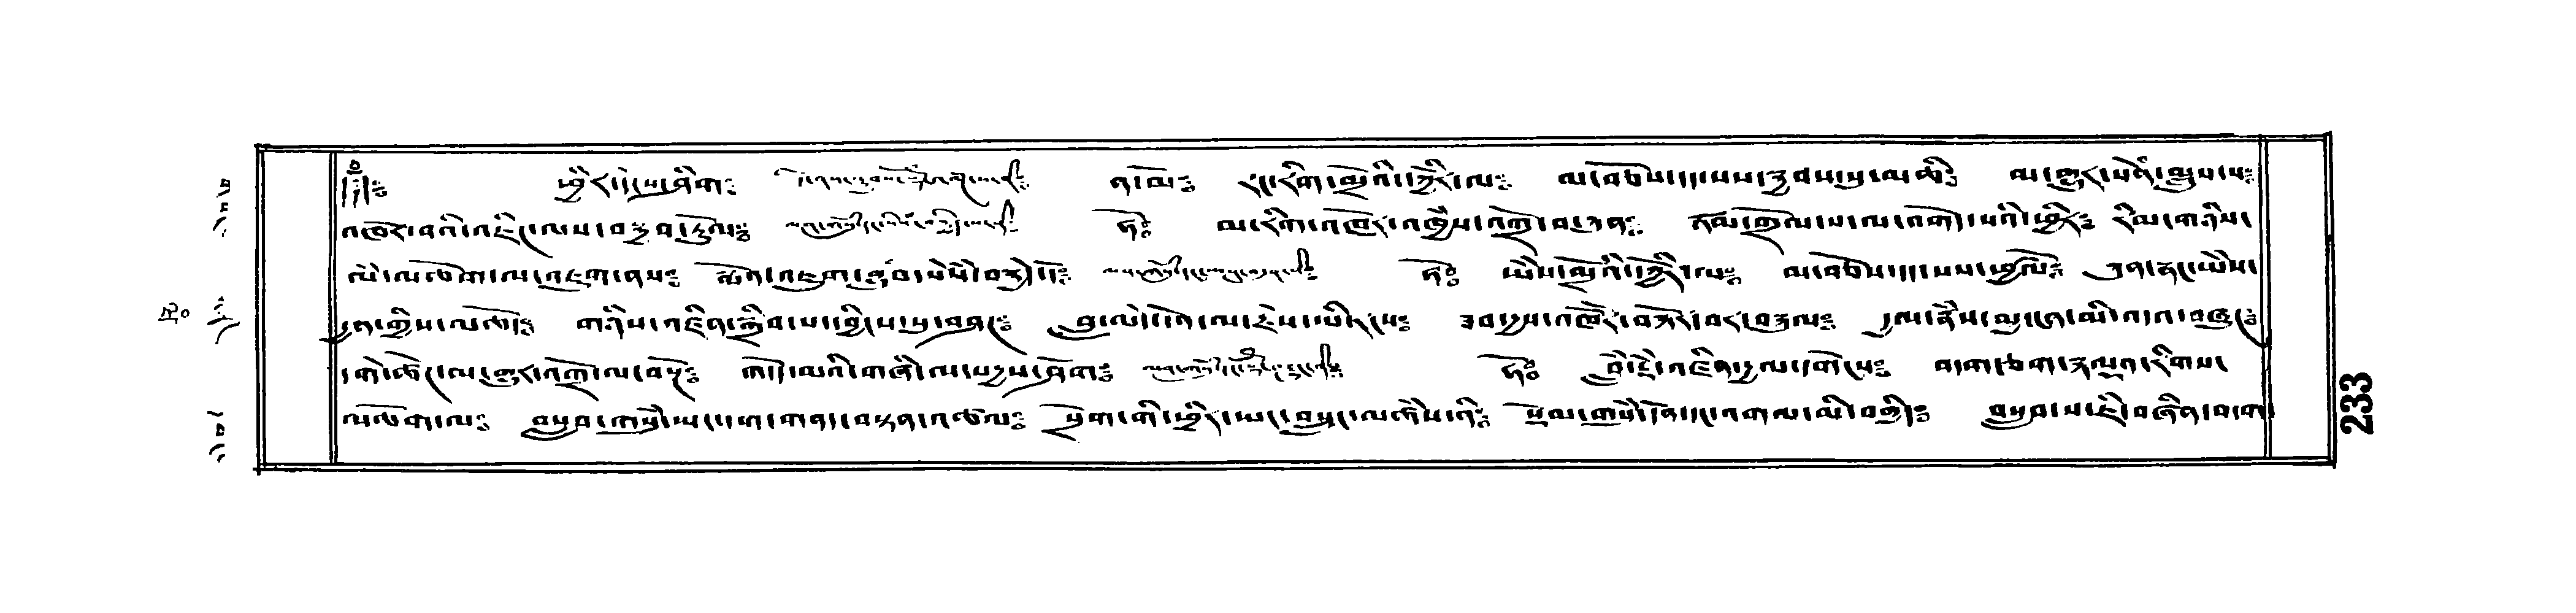ཕྱིར་དེངས་ཤིག༔ དེ་ནས་སྐྱབས་སྡོམ་འབོགས་པ་ནི༔ ན་མོ༔ རང་རིག་མཁའ་འགྲོའི་དཀྱིལ་འཁོར་ལ༔ མ་བཅོས་དད་པས་སྐྱབས་སུ་མཆི༔ མ་གྱུར་སེམས་ཅན་མ་ལུས་པ༔ 
འཁོར་བའི་འཇིགས་ལས་བསྐྱབ་ཏུ་གསོལ༔ ལན་གསུམ་དང་སེམས་བསྐྱེད་པ་ནི༔ ཧོཿ མ་རིག་འཁོར་འཁྱམས་འགྲོ་བ་ཀུན༔ རྣམ་གྲོལ་ས་ལ་འགོད་པའི་ཕྱིར༔ རིམ་གཉིས་
ལམ་མཆོག་ལ་འཇུག་ནས༔ སྨོན་འཇུག་བྱང་ཆུབ་སེམས་བསྐྱེད་དོ༔ ལན་གསུམ་དང་ཡན་བདུན་ནི༔ ཧོཿ ཡེ་ཤེས་མཁའ་འགྲོའི་དཀྱིལ་འཁོར་ལ༔ མ་བཅོས་དད་པས་ཕྱལ་ དུན་སྣང་ཡེ་ཤེས་
རྒྱན་གྱིས་མཆོད་ གཤིས་འཛིན་སྒྲིག་པ་དབྱིངས་སུ་བཤད་ བླ་མའི་དགེ་ལ་རྗེས་ཡིད་ངས་ ཟབ་རྒྱས་འཁོར་བསྐོར་བར་བསྐུལ་ རྒྱལ་རྣམས་མྱ་ངན་མི་འདའ་བཞུགས༔
དགེ་ཚོགས་མ་གྱུར་འགྲོ་ལ་བསྔོ༔ གདོད་མའི་གཞི་ལ་སངས་རྒྱས་ཤོག ལན་གསུམ་དང་སྡོམ་བཟུང་ནི༔ ཧོཿ བླ་མ་རྡོ་རྗེ་འཛིན་རྒྱལ་དགོངས༔ བདག་ཅག་སྐལ་ལྡན་རིགས་
མཆོག་ལ༔ བསླབ་གསུམ་ཡང་དག་གནད་བསྟན་འཚལ༔ སྲོག་གི་ཕྱིར་ཡང་བསྲུང་མཚམས་ནི༔ སྡོམ་གསུམ་དོན་དང་འགལ་མི་བགྱིད༔ བསླབ་པ་ཇི་བཞིན་བདག